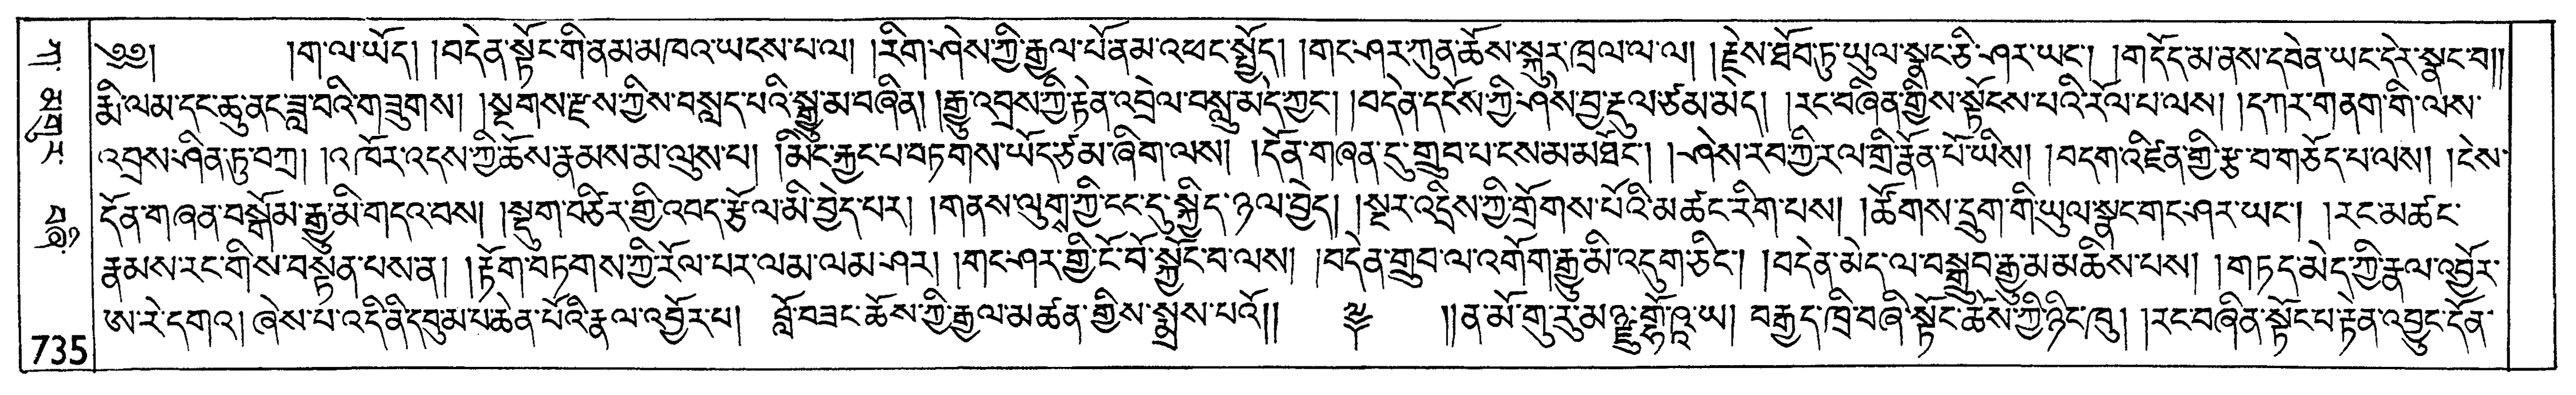༄༅། །ག་ལ་ཡོད། །བདེན་སྟོང་གི་ནམ་མཁའ་ཡངས་པ་ལ། །རིག་ཤེས་ཀྱི་རྒྱལ་པོ་ནམ་འཕང་སྤྱོད། །གང་ཤར་ཀུན་ཆོས་སྐུར་ཁྲལ་ལ་ལ། །རྗེས་ཐོབ་ཏུ་ཡུལ་སྣང་ཅི་ཤར་ཡང་། །གདོད་མ་ནས་དབེན་ཡང་དེར་སྣང་བ། །
རྨི་ལམ་དང་ཆུ་ནང་ཟླ་བའི་གཟུགས། །སྔགས་རྫས་ཀྱིས་བསླད་པའི་སྒྱུ་མ་བཞིན། །རྒྱུ་འབྲས་ཀྱི་རྟེན་འབྲེལ་བསླུ་མེད་ཀྱང་། །བདེན་དངོས་ཀྱི་ཤེས་བྱ་རྡུལ་ཙམ་མེད། །རང་བཞིན་གྱིས་སྟོངས་པའི་རོལ་པ་ལས། །དཀར་གནག་གི་ལས་
འབྲས་ཤིན་ཏུ་བཀྲ། །འཁོར་འདས་ཀྱི་ཆོས་རྣམས་མ་ལུས་པ། །མིང་རྐྱང་པ་བཏགས་ཡོད་ཙམ་ཞིག་ལས། །དོན་གཞན་དུ་གྲུབ་པ་ངས་མ་མཐོང་། །ཤེས་རབ་ཀྱི་རལ་གྲི་རྣོན་པོ་ཡིས། །བདག་འཛིན་གྱི་རྩ་བ་གཅོད་པ་ལས། །ངེས་
དོན་གཞན་བསྒོམ་རྒྱུ་མི་གདའ་བས། །སྡུག་བཙིར་གྱི་འབད་རྩོལ་མི་བྱེད་པར། །གནས་ལུགས་ཀྱི་ངང་དུ་སྐྱིད་ཉལ་བྱེད། །སྔར་འདྲིས་ཀྱི་གྲོགས་པོའི་མཚང་རིག་པས། །ཚོགས་དྲུག་གི་ཡུལ་སྣང་གང་ཤར་ཡང་། །རང་མཚང་
རྣམས་རང་གིས་བསྟན་པས་ན། །རྟོག་བཏགས་ཀྱི་རོལ་པར་ལམ་ལམ་ཤར། །གང་ཤར་གྱི་ངོ་བོ་སྐྱོང་བ་ལས། །བདེན་གྲུབ་ལ་འགོག་རྒྱུ་མི་འདུག་ཅིང་། །བདེན་མེད་ལ་བསྒྲུབ་རྒྱུ་མ་མཆིས་པས། །གཏད་མེད་ཀྱི་རྣལ་འབྱོར་
ཨ་རེ་དགའ། ཞེས་པ་འདི་ནི་དབུ་མ་པ་ཆེན་པོའི་རྣལ་འབྱོར་པ། བློ་བཟང་ཆོས་ཀྱི་རྒྱལ་མཚན་གྱིས་སྨྲས་པའོ།། ༈ །།ན་མོ་གུ་རུ་མཉྫུ་གྷོ་ཥཱ་ཡ། བརྒྱད་ཁྲི་བཞི་སྟོང་ཆོས་ཀྱི་ཉིང་ཁུ། །རང་བཞིན་སྟོང་པ་རྟེན་འབྱུང་དོན་